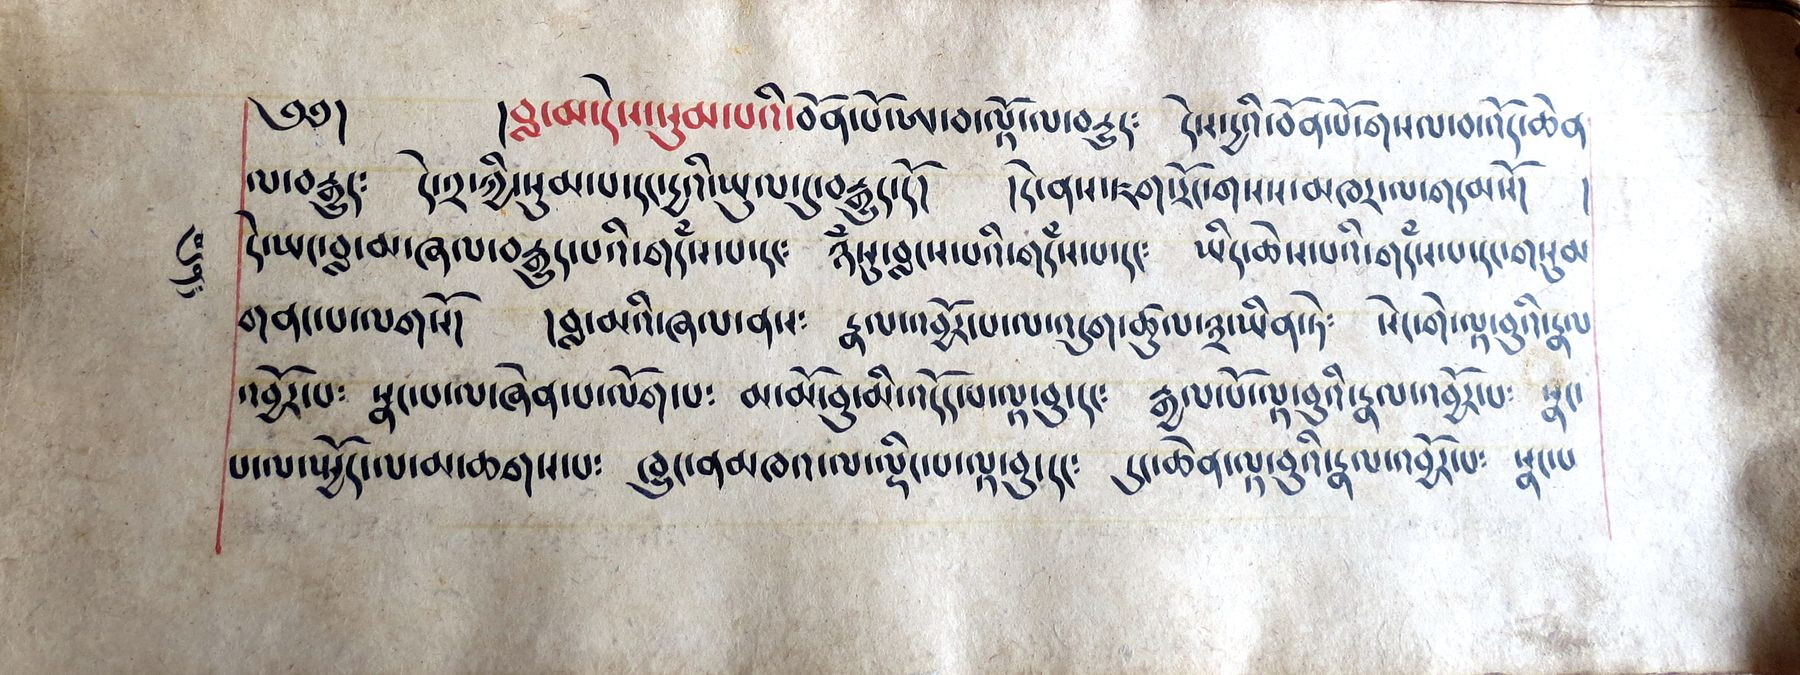བླ་མ་དེས་སུམ་པའི་བོན་པོ་ཨ་བ་ལྟོ་ལ་བརྒྱུད། དེས་རྒྱའི་བོན་པོ་གསལ་བ་འོད་ཆེན་
ལ་བརྒྱུད་དོ། །དེ་གཉིས་ཀྱིས་སུམ་པ་དང་རྒྱའི་ཡུལ་དུ་བརྒྱུད་དོ། །དེ་ནས་ཇག་རོང་གསས་མཁར་ལ་གདམས་སོ། །
དེ་ཡང་བླ་མ་ཞལ་བརྒྱུད་པའི་གདམས་པ་དང་། ཉམས་སུ་བླངས་པའི་གདམས་པ་དང་། ཡིད་ཆེས་པའི་གདམས་པ་དང་གསུམ་
གནང་པ་ལགས་སོ། །བླ་མ་ཇག་རོང་གི་ཞལ་ནས། རྣལ་འབྱོར་པ་ལ་འདུག་ཚུལ་གསུམ་ཡིན་ཏེ། སེང་གེ་ལྟ་བུའི་རྣལ་
འབྱོར་པ། སྣང་བ་ལ་ཞེན་པ་ལོག་པ། མ་མོ་བུ་མི་འདོད་པ་ལྟ་བུ་དང་། རྒྱལ་པོ་ལྟ་བུའི་རྣལ་འབྱོར་པ། སྣང་
བ་ལ་སྤྱོད་ལ་མ་ཆགས་པ། ཁྱུང་ནམ་མཁའ་ལ་ལྡིང་བ་ལྟ་བུ་དང་། དུང་ཆེན་ལྟ་བུའི་རྣལ་འབྱོར་པ། སྣང་བ་